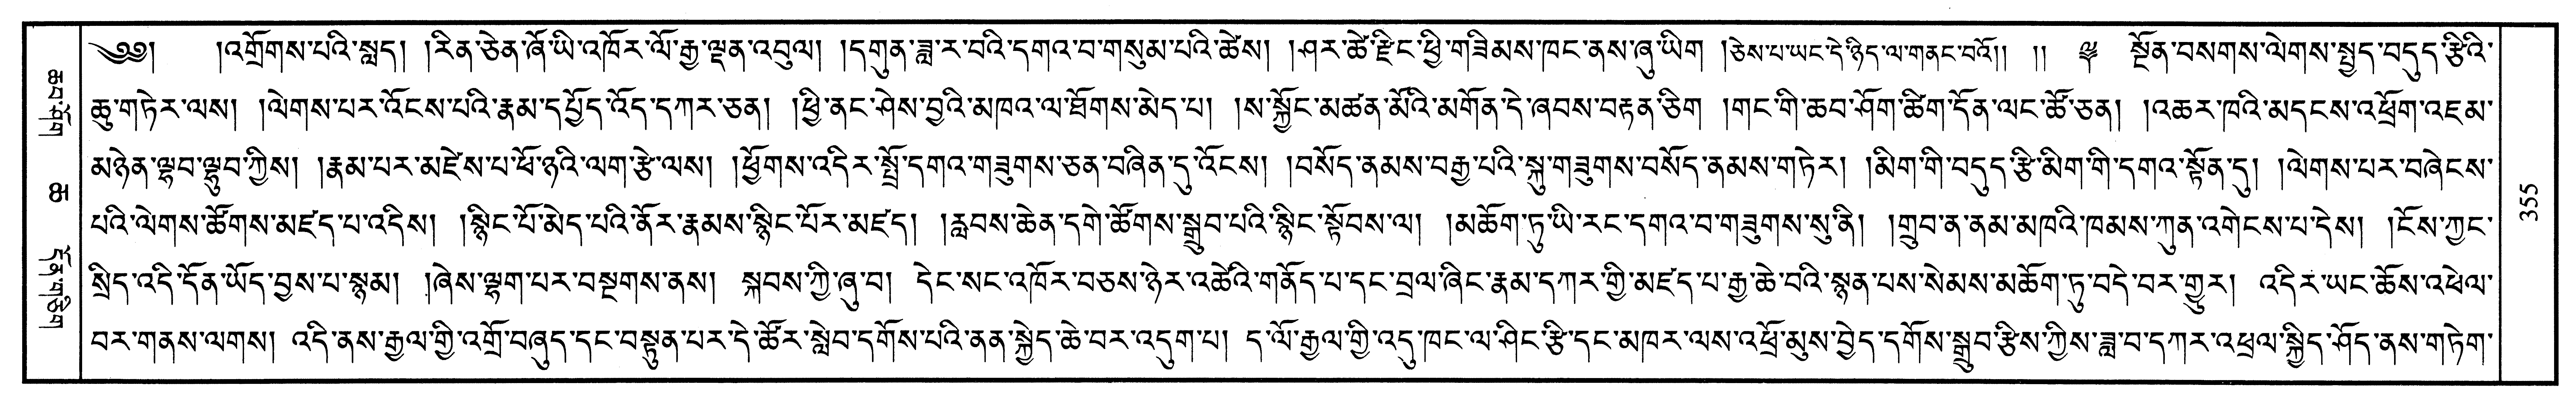༄༅། །འགྲོགས་པའི་སླད། །རིན་ཅེན་ཞོ་ཡི་འཁོར་ལོ་རྒྱ་ལྡན་འབུལ། །དགུན་ཟླ་ར་བའི་དགའ་བ་གསུམ་པའི་ཚེས། །ཤར་ཚེ་རྫིང་ཕྱི་གཟིམས་ཁང་ནས་ཞུ་ཡིག །ཅེས་པ་ཡང་དེ་ཉིད་ལ་གནང་བའོ།། །། ༈ སྔོན་བསགས་ལེགས་སྤྱད་བདུད་རྩིའི་
ཆུ་གཏེར་ལས། །ལེགས་པར་འོངས་པའི་རྣམ་དཔྱོད་འོད་དཀར་ཅན། །ཕྱི་ནང་ཤེས་བྱའི་མཁའ་ལ་ཐོགས་མེད་པ། །ས་སྐྱོང་མཚན་མོའི་མགོན་དེ་ཞབས་བརྟན་ཅིག །གང་གི་ཆབ་ཤོག་ཚིག་དོན་ལང་ཚོ་ཅན། །འཆར་ཁའི་མདངས་འཕྲོག་འཇམ་
མཉེན་ལྷབ་ལྷུབ་ཀྱིས། །རྣམ་པར་མཛེས་པ་ཕོ་ཉའི་ལག་རྩེ་ལས། །ཕྱོགས་འདིར་སྤྲོ་དགའ་གཟུགས་ཅན་བཞིན་དུ་འོངས། །བསོད་ནམས་བརྒྱ་པའི་སྐུ་གཟུགས་བསོད་ནམས་གཏེར། །མིག་གི་བདུད་རྩི་མིག་གི་དགའ་སྟོན་དུ། །ལེགས་པར་བཞེངས་
པའི་ལེགས་ཚོགས་མཛད་པ་འདིས། །སྙིང་པོ་མེད་པའི་ནོར་རྣམས་སྙིང་པོར་མཛད། །རླབས་ཆེན་དགེ་ཚོགས་སྒྲུབ་པའི་སྙིང་སྟོབས་ལ། །མཆོག་ཏུ་ཡི་རང་དགའ་བ་གཟུགས་སུ་ནི། །གྲུབ་ན་ནམ་མཁའི་ཁམས་ཀུན་འགེངས་པ་དེས། །ངོས་ཀྱང་
སྲིད་འདི་དོན་ཡོད་བྱས་པ་སྙམ། །ཞེས་ལྷག་པར་བསྔགས་ནས། སྐབས་ཀྱི་ཞུ་བ། དེང་སང་འཁོར་བཅས་ཉེར་འཚེའི་གནོད་པ་དང་བྲལ་ཞིང་རྣམ་དཀར་གྱི་མཛད་པ་རྒྱ་ཆེ་བའི་སྙན་པས་སེམས་མཆོག་ཏུ་བདེ་བར་གྱུར། འདིར་ཡང་ཆོས་འཕེལ་
བར་གནས་ལགས། འདི་ནས་རྒྱལ་གྱི་འགྲོ་བཞུད་དང་བསྟུན་པར་དེ་ཚོར་སླེབ་དགོས་པའི་ནན་སྐྱེད་ཆེ་བར་འདུག་པ། ད་ལོ་རྒྱལ་གྱི་འདུ་ཁང་ལ་ཤིང་རྩི་དང་མཁར་ལས་འཕྲོ་མུས་བྱེད་དགོས་སྒྲུབ་རྩིས་ཀྱིས་ཟླ་བ་དཀར་འཕྲལ་སྐྱིད་ཤོད་ནས་གཏེག་